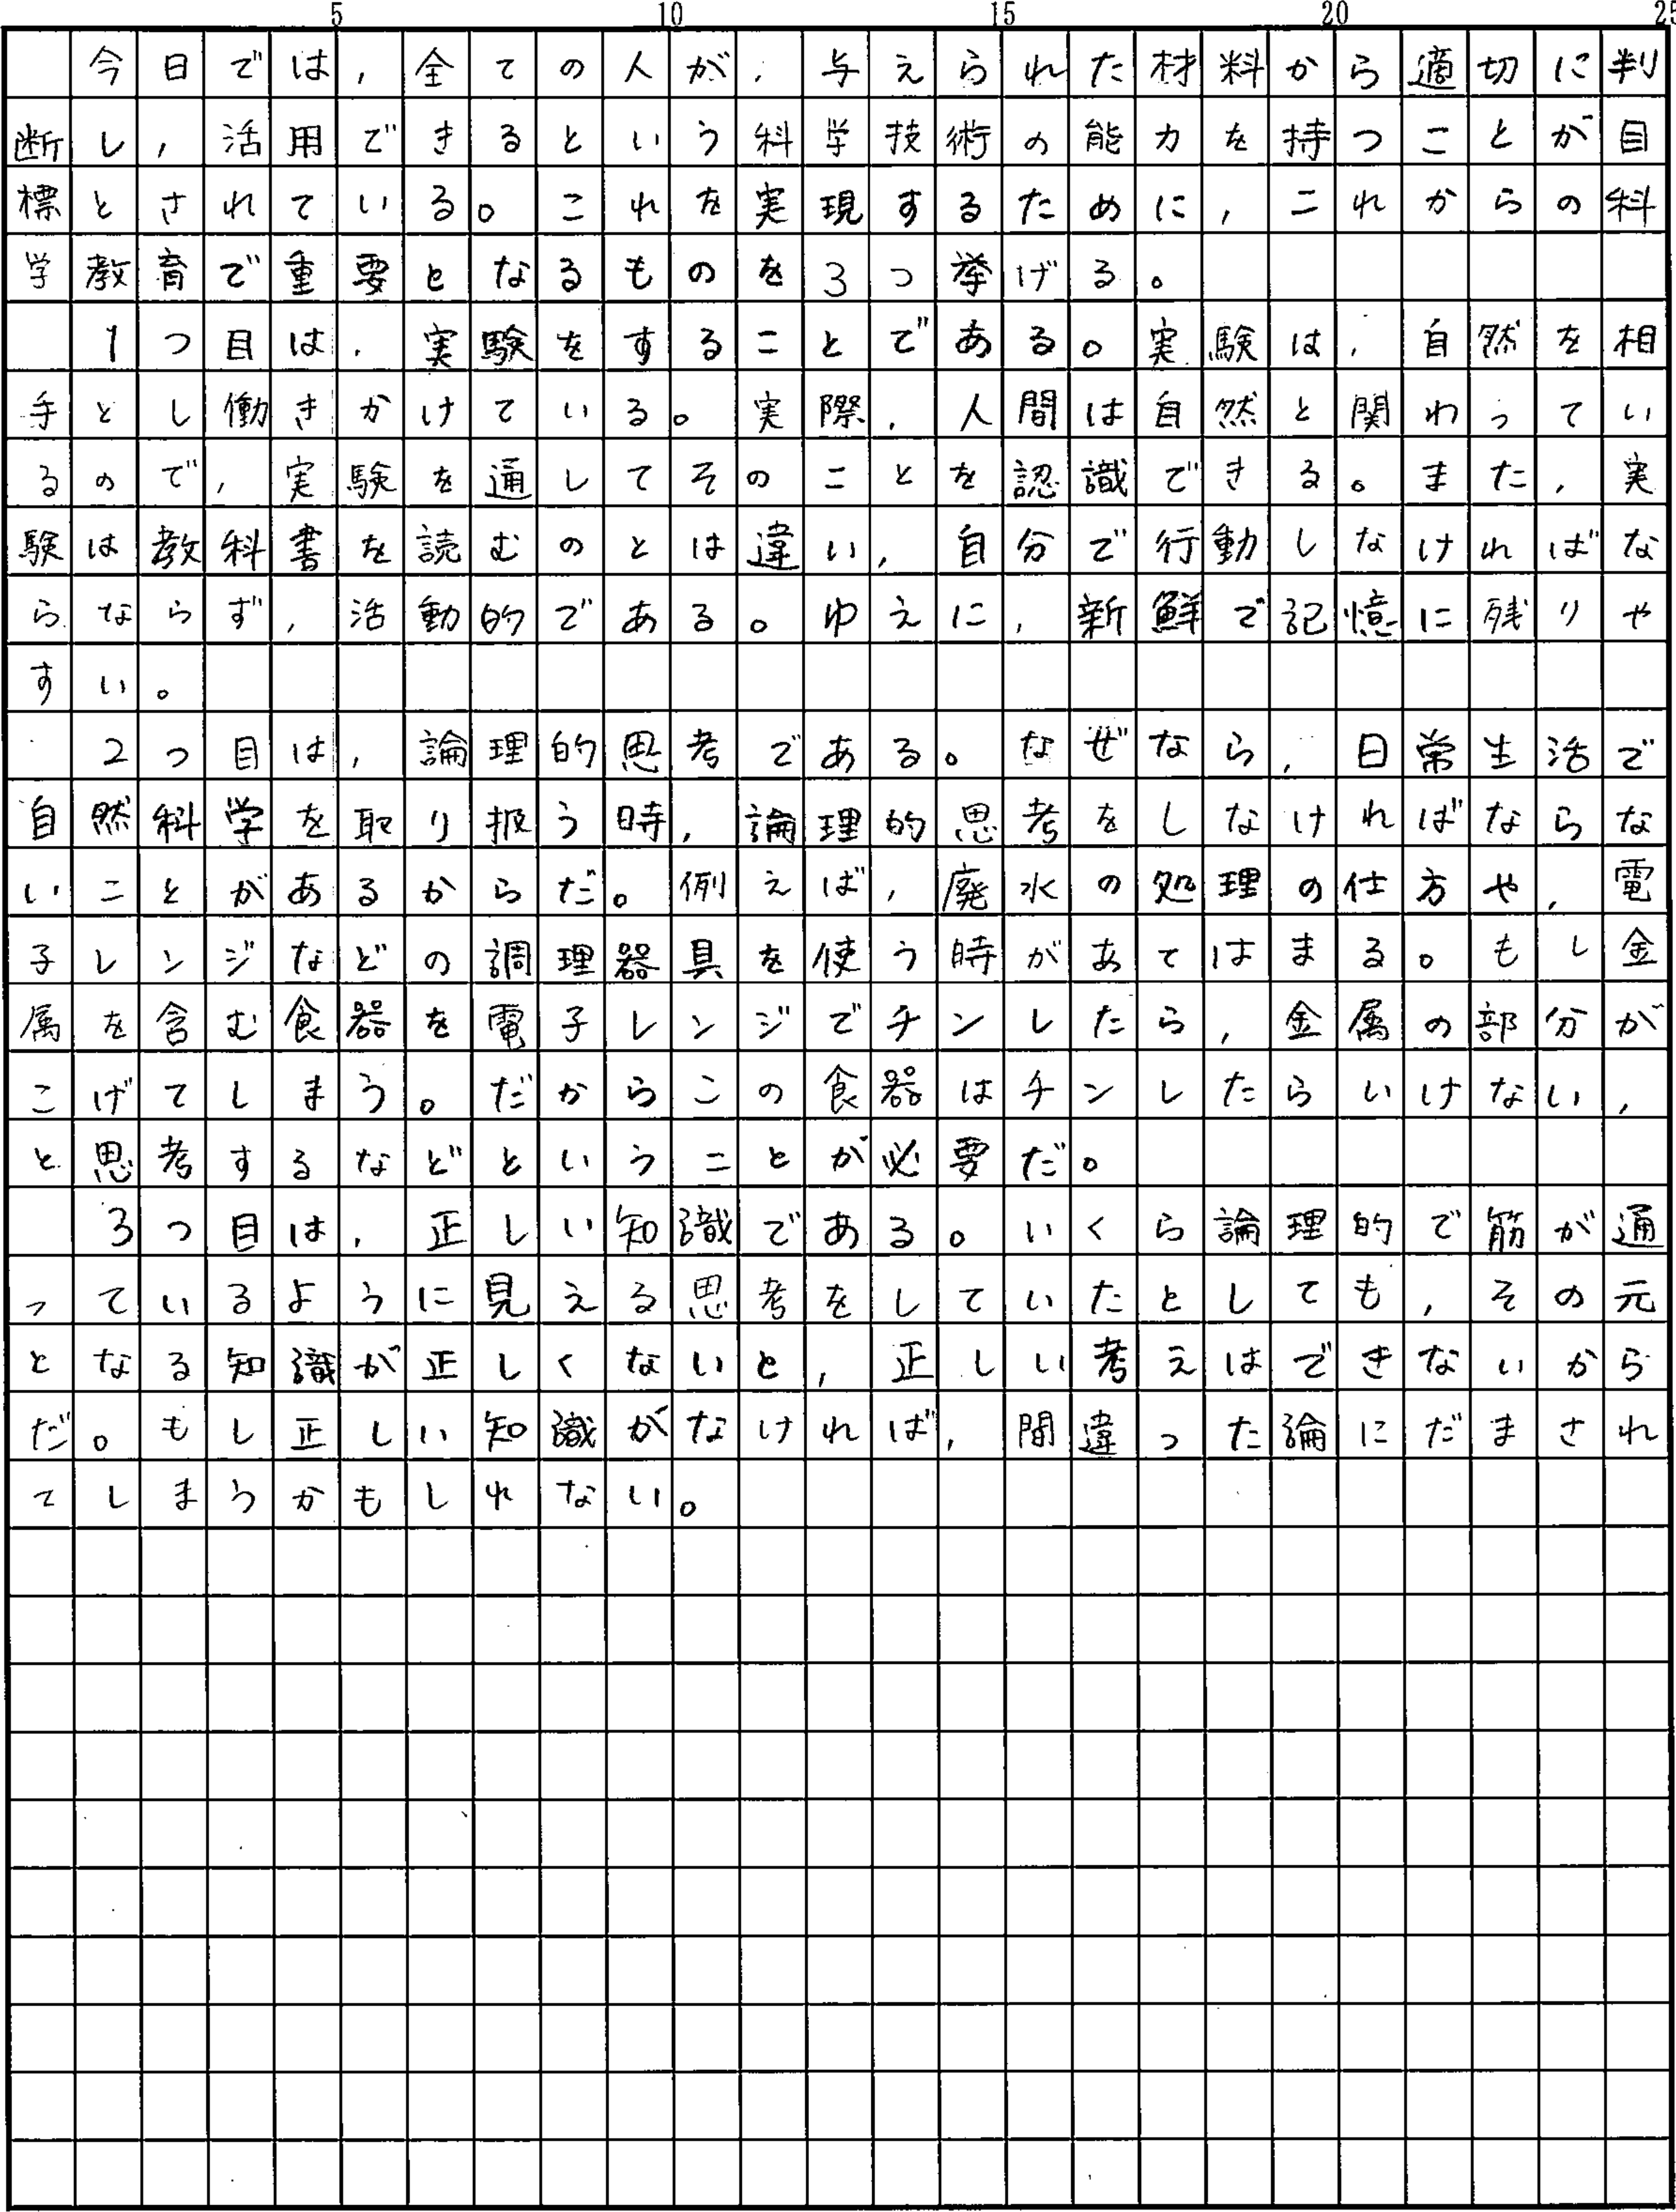　今日では、全ての人が、与えられた材料から適切に判断し、活用できるという科学技術の能力を持つことが目標とされている。これを実現するために、これからの科学教育で重要となるものを３つ挙げる。
　１つ目は、実験をすることである。実験は、自然を相手とし働きかけている。実際、人間は自然と関わっているので、実験を通してそのことを認識できる。また、実験は教科書を読むのとは違い、自分で行動しなければならならず、活動的である。ゆえに、新鮮で記憶に残りやすい。
　２つ目は、論理的思考である。なぜなら、日常生活で自然科学を取り扱う時、論理的思考をしなければならないことがあるからだ。例えば、廃水の処理の仕方や、電子レンジなどの調理器具を使う時があてはまる。もし金属を含む食器を電子レンジでチンしたら、金属の部分がこげてしまう。だからこの食器はチンしたらいけない、と思考するなどということが必要だ。
　３つ目は、正しい知識である。いくら論理的で筋が通っているように見える思考をしていたとしても、その元となる知識が正しくないと、正しい考えはできないからだ。もし正しい知識がなければ、間違った論にだまされてしまうかもしれない。
